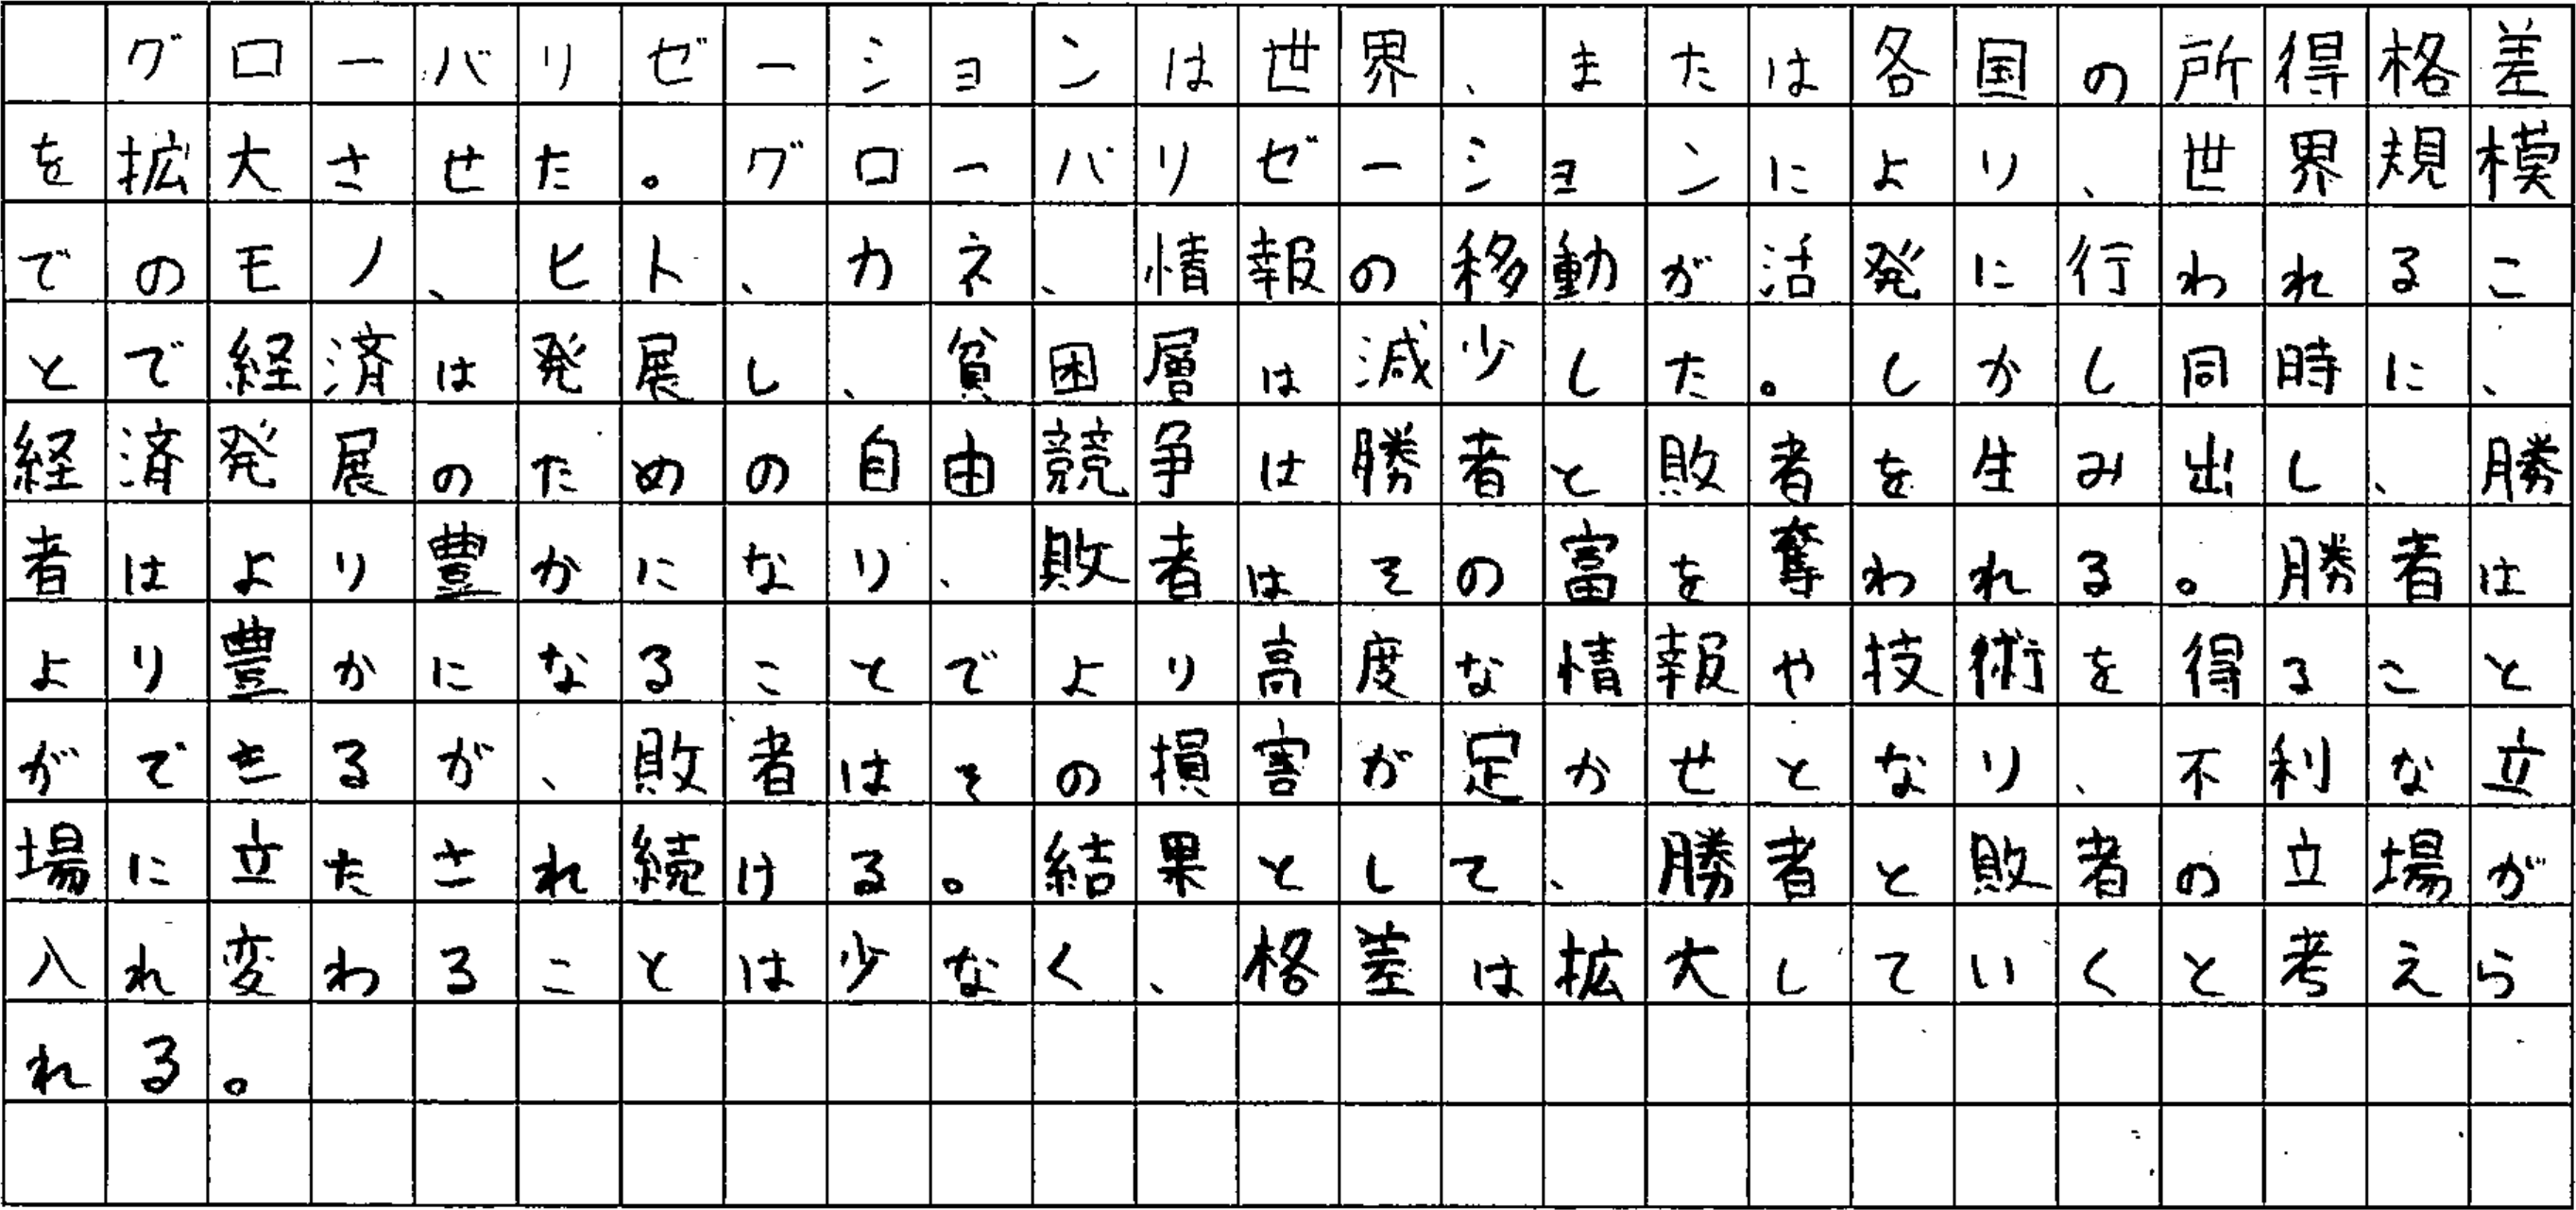　グローバリゼーションは世界、または各国の所得格差を拡大させた。グローバリゼーションにより、世界規模でのモノ、ヒト、カネ、情報の移動が活発に行われることで経済は発展し、貧困層は減少した。しかし同時に、経済発展のための自由競争は勝者と敗者を生み出し、勝者はより豊かになり、敗者はその富を奪われる。勝者はより豊かになることでより高度な情報や技術を得ることができるが、敗者はその損害が足かせとなり、不利な立場に立たされ続ける。結果として、勝者と敗者の立場が入れ変わることは少なく、格差は拡大していくと考えられる。
